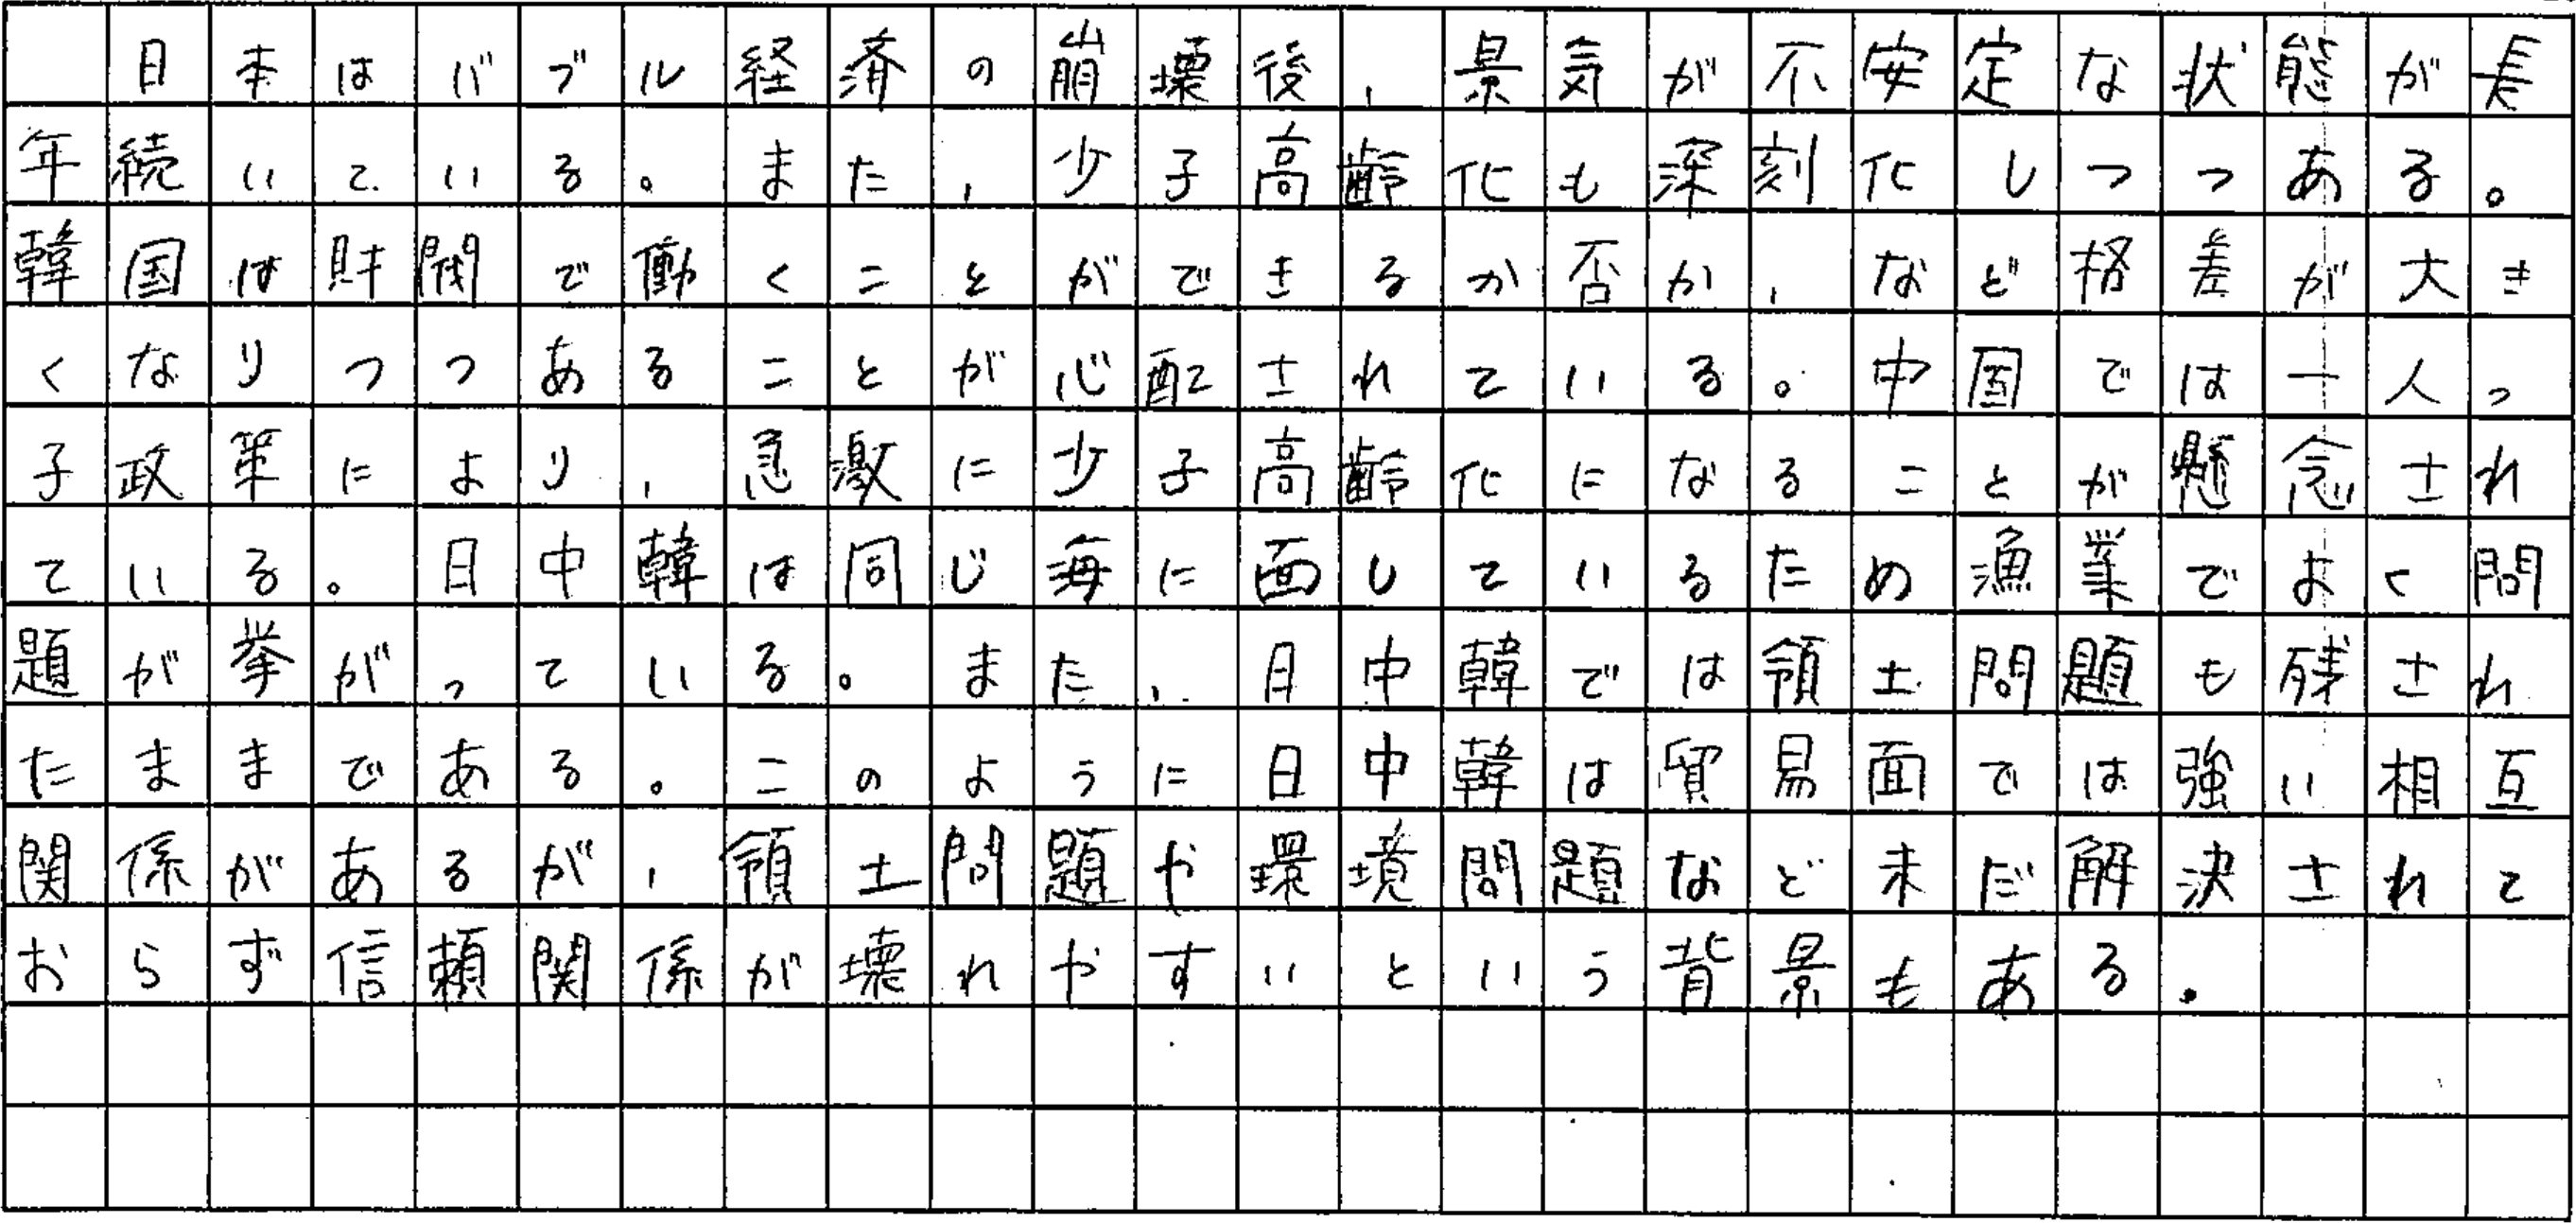　日本はバブル経済の崩壊後、景気が不安定な状態が長年続いている。また，少子高齢化も深刻化しつつある。韓国は財閥で働くことができるか否か，など格差が大きくなりつつあることが心配されている。中国では一人っ子政策により，急激に少子高齢化になることが懸念されている。日中韓は同じ海に面しているため漁業でよく問題が挙がっている。また、日中韓では領土問題も残されたままである。このように日中韓は貿易面では強い相互関係があるが、領土問題や環境問題など未だ解決されておらず信頼関係が壊れやすいという背景もある。
